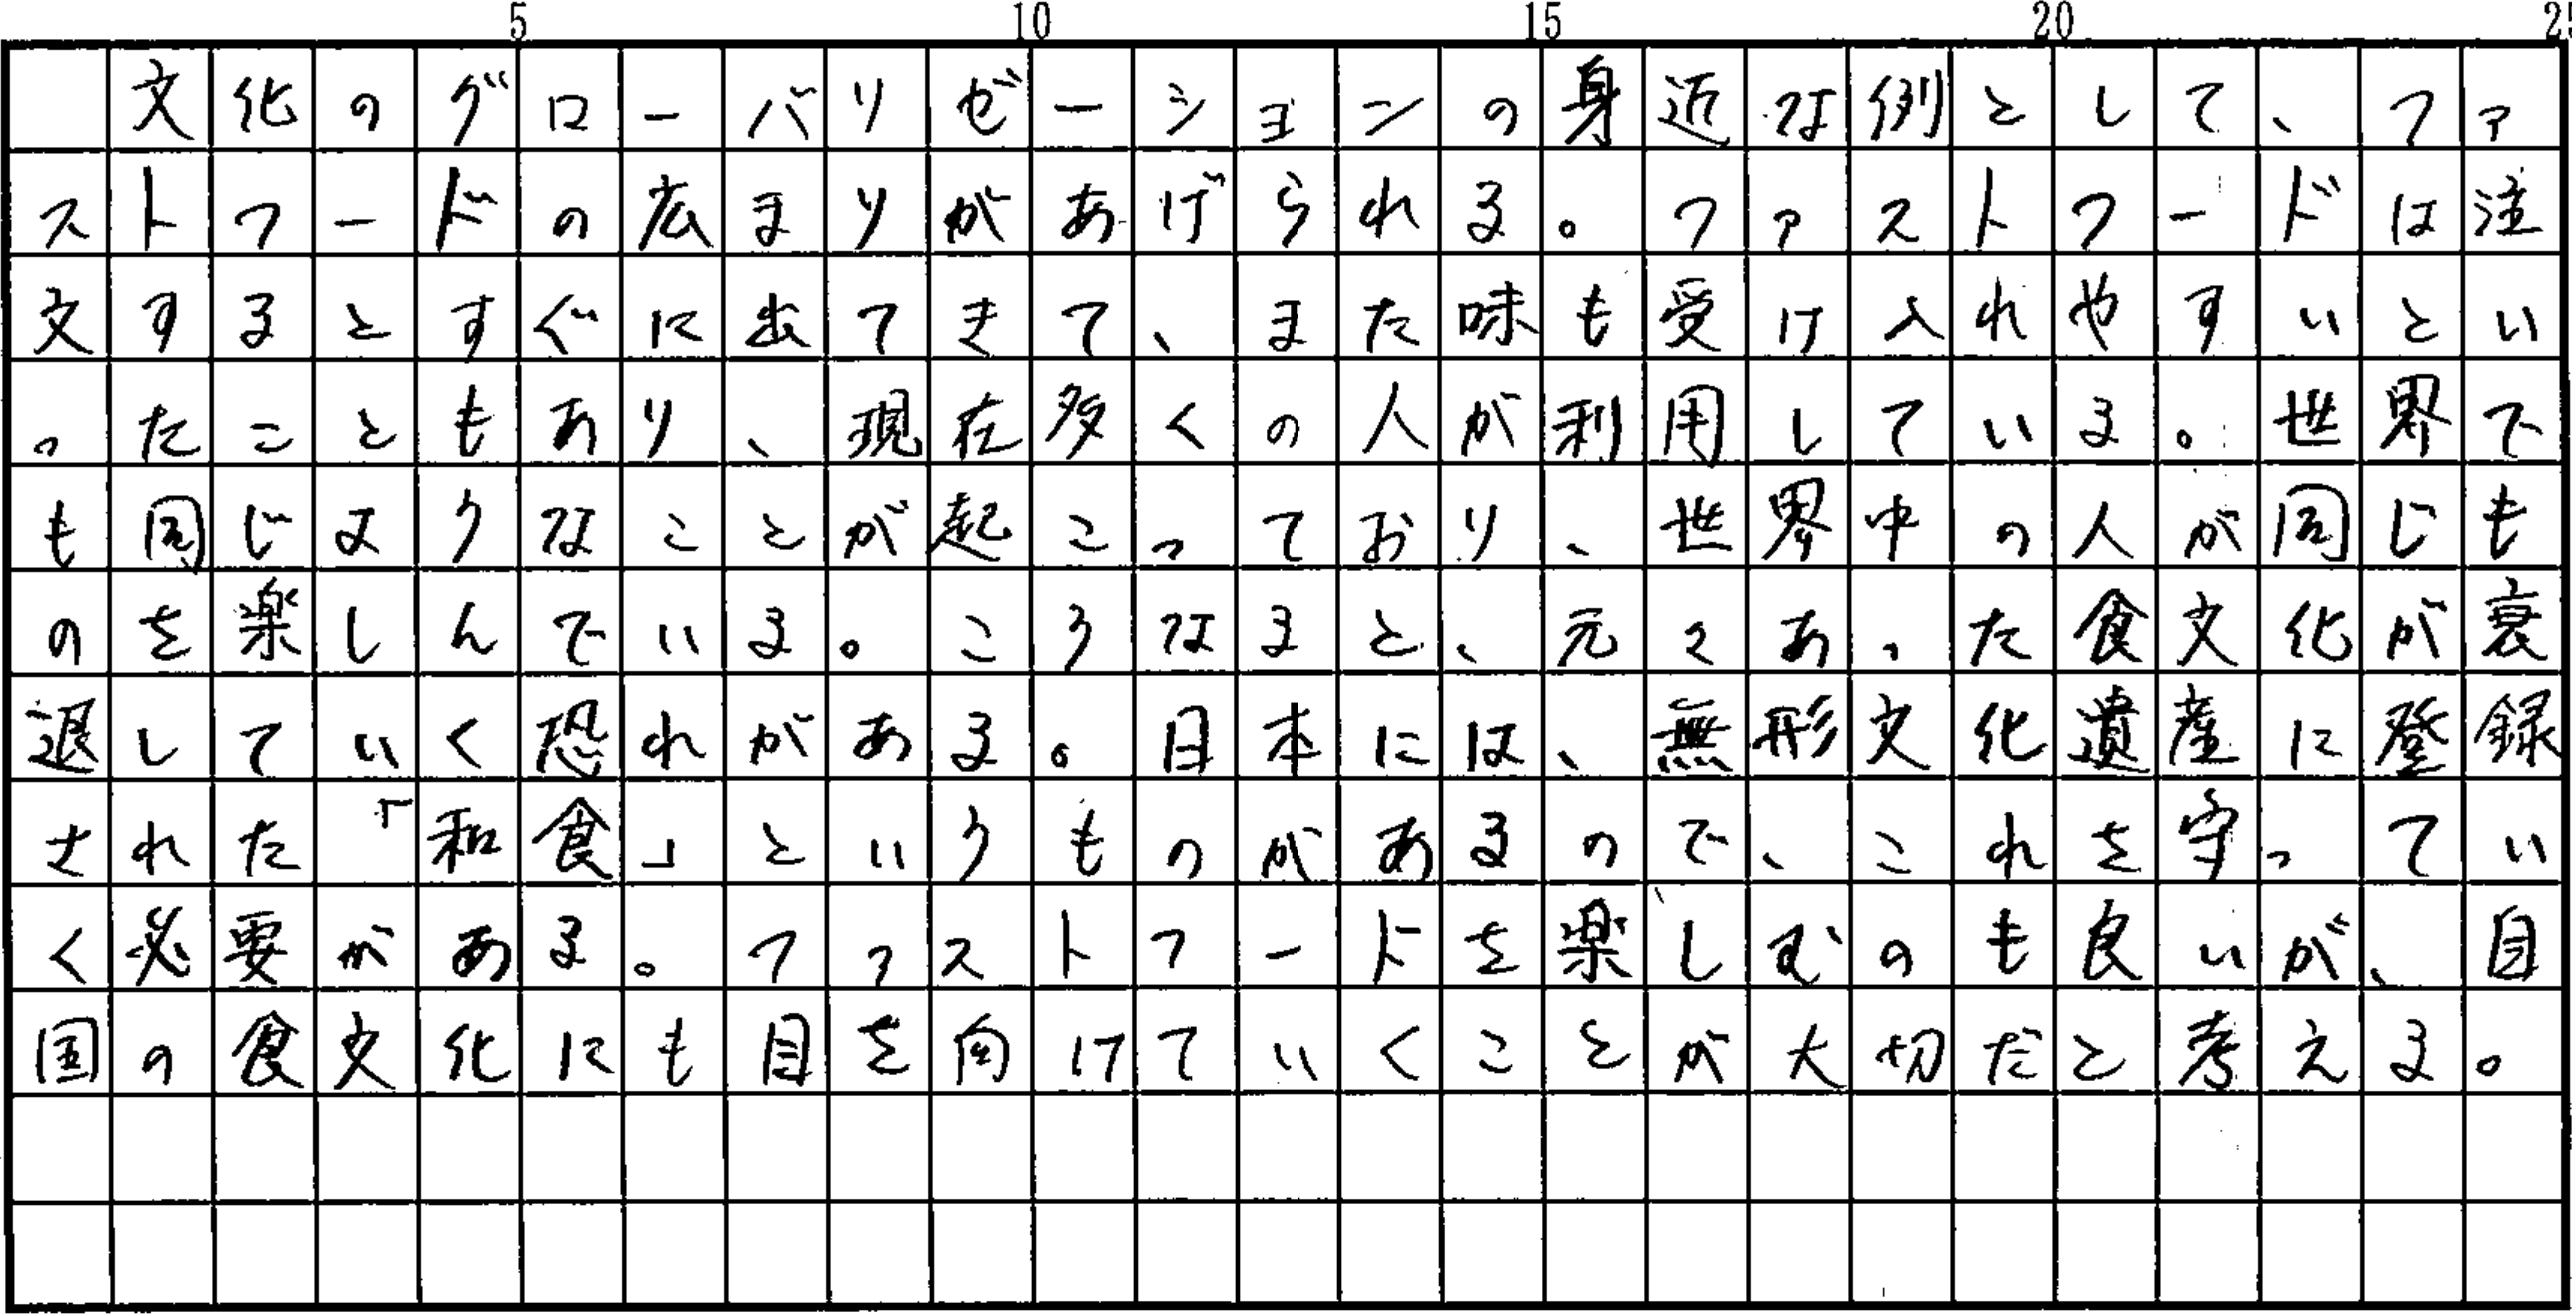　文化のグローバリゼーションの身近な例として、ファスフードの広まりがあげられる。ファストフードは注文するとすぐ出てきて、また味も受け入れやすいといったこともあり、現在多くの人が利用している。世界でも同じようなことが起こっており、世界中の人が同じものを楽しんでいる。こうなると、元々あった食文化が衰退していく恐れがある。日本には、無形文化遺産に登録された「和食」というものがあるので、これを守っていく必要がある。ファストフードを楽しむのも良いが、自国の食文化にも目を向けていくことが大切だと考える。
